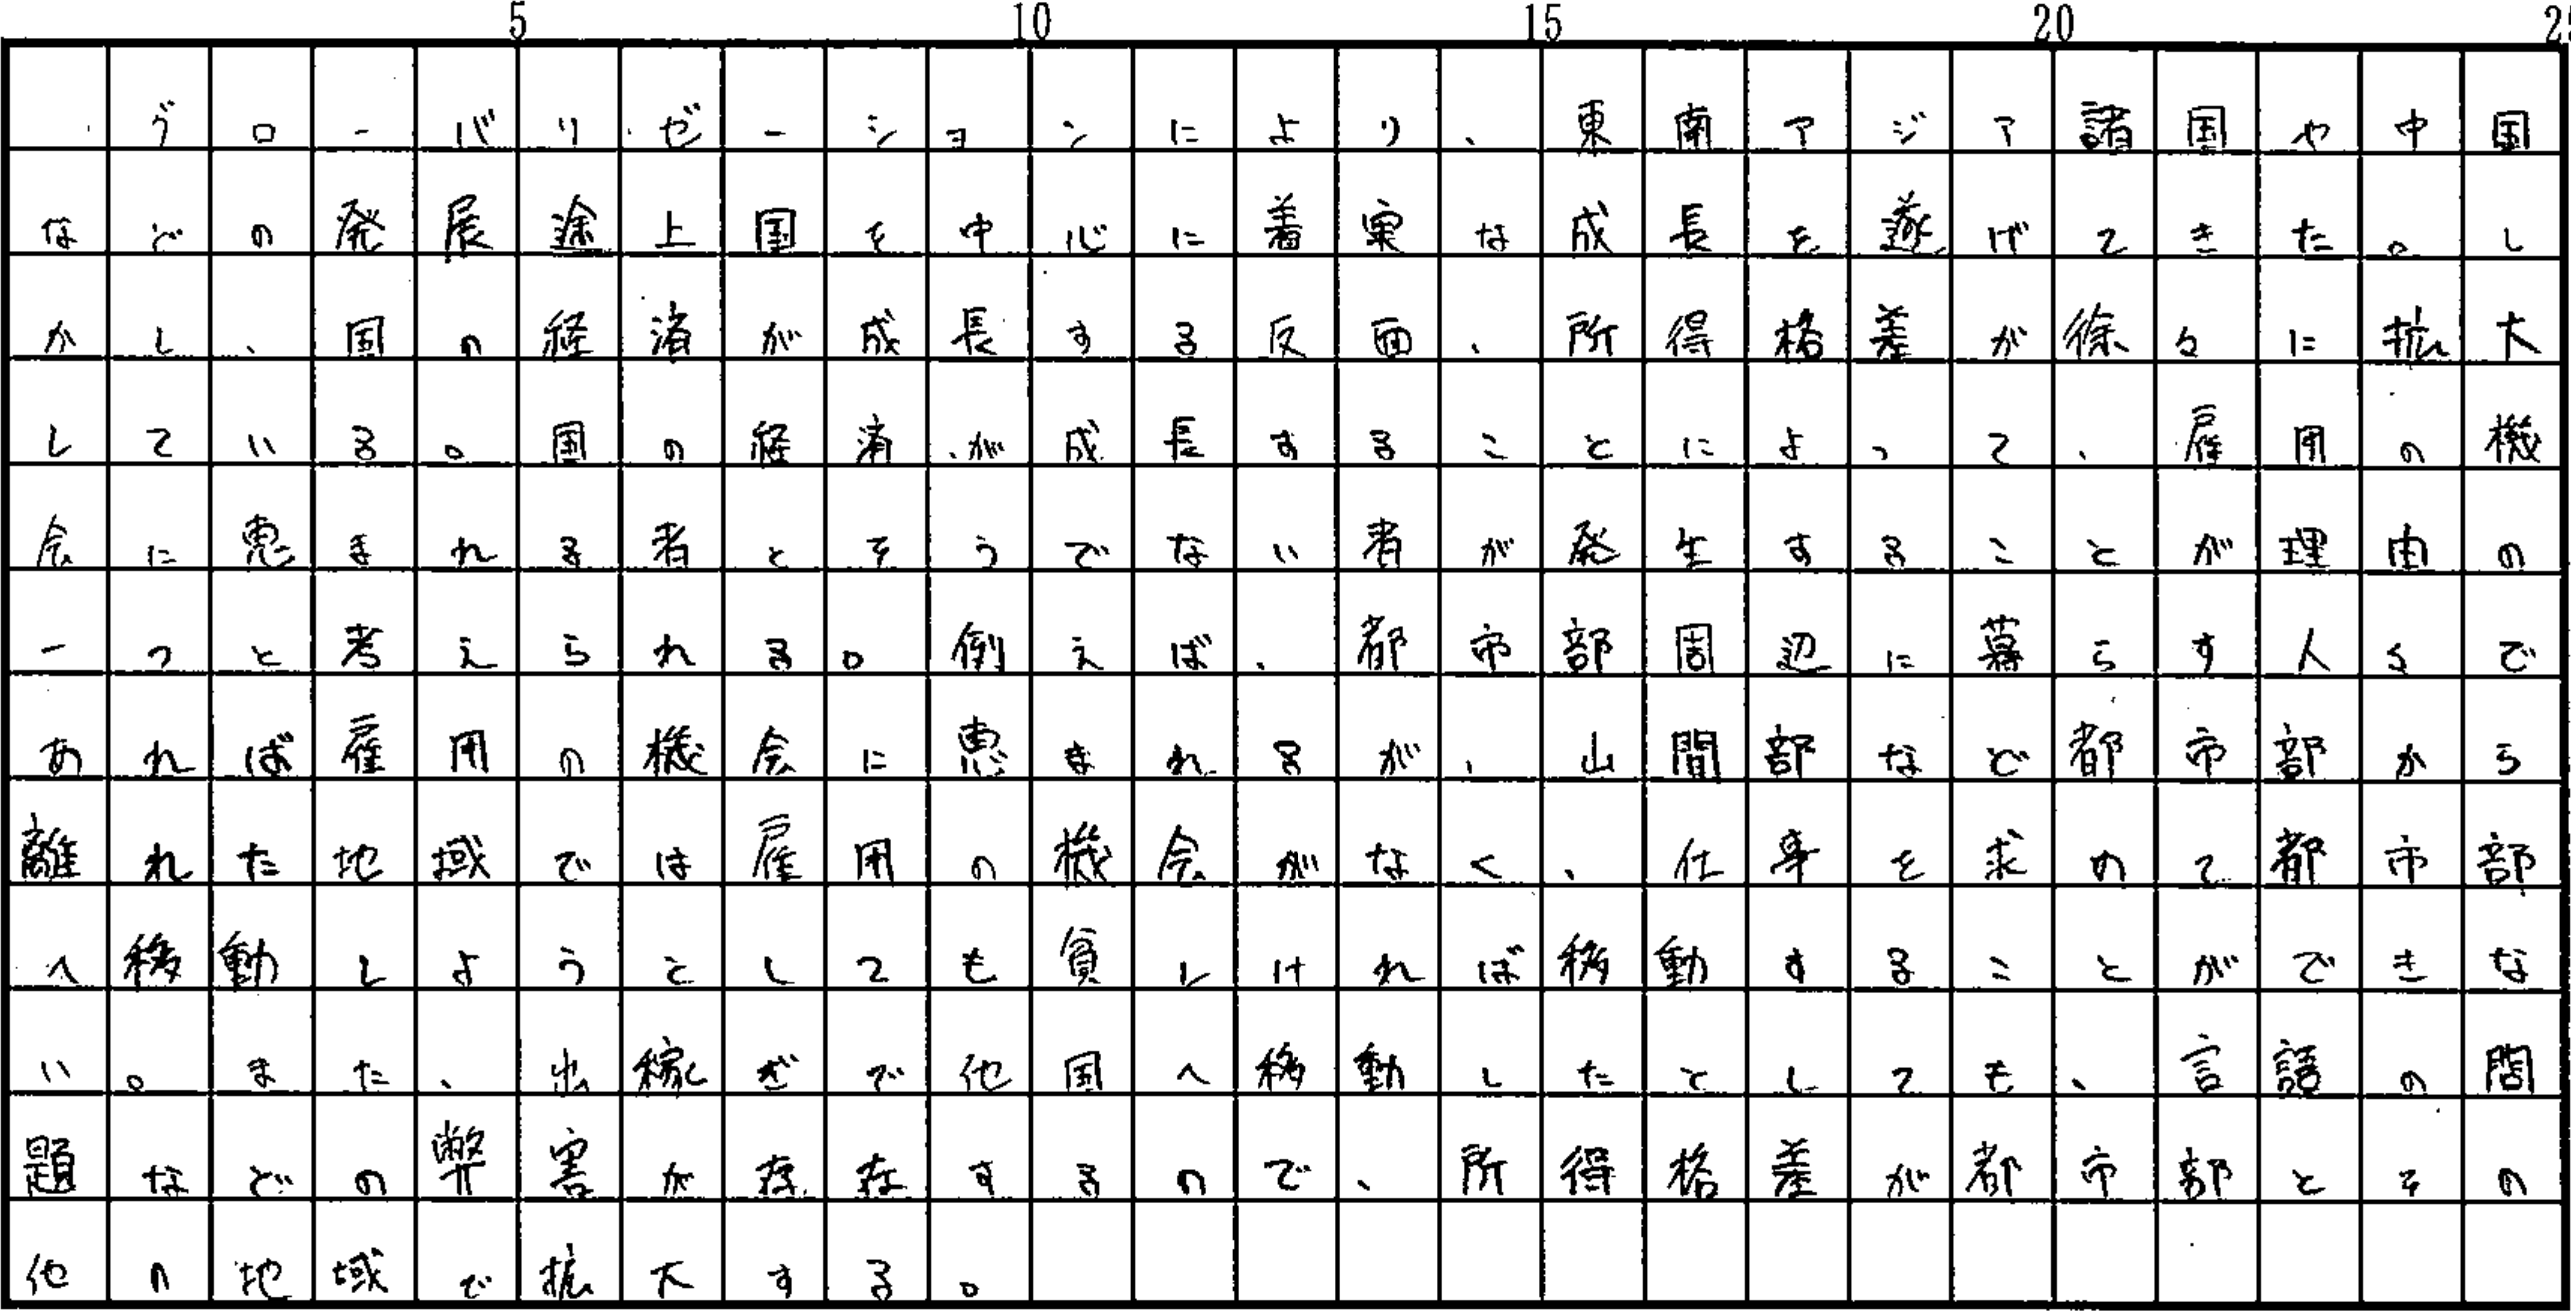　グローバリゼーションにより、東南アジア諸国や中国などの発展途上国を中心に着実な成長を遂げてきた。しかし、国の経済が成長する反面、所得格差が徐々に拡大している。国の経済が成長することによって、雇用の機会に恵まれる者とそうでない者が発生することが理由の一つと考えられる。例えば、都市部周辺に暮らす人々であれば雇用の機会に恵まれるが、山間部など都市部から離れた地域では雇用の機会がなく、仕事を求めて都市部へ移動しようとしても貧しければ移動することができない。また、出稼ぎで他国へ移動したとしても、言語の問題などの弊害が存在するので、所得格差が都市部とその他の地域で拡大する。
